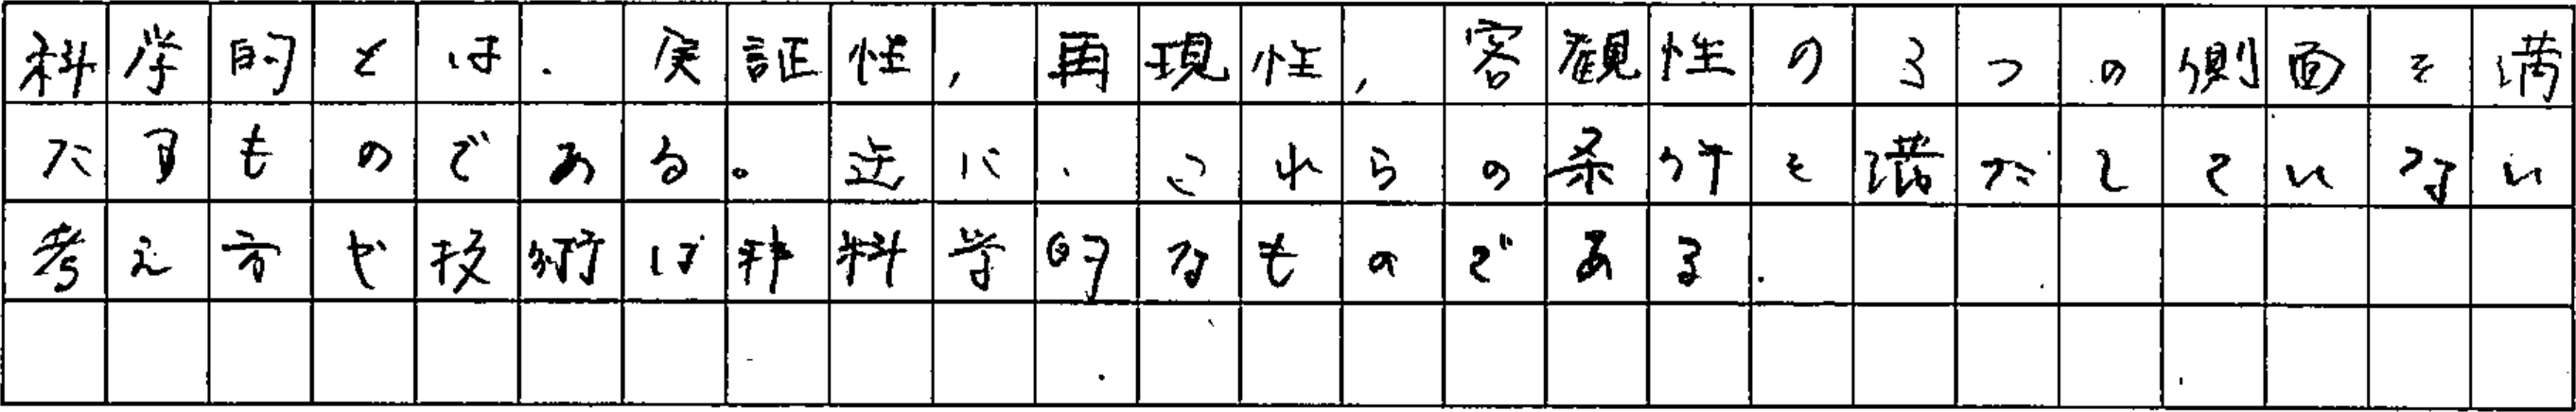科学的とは、実証性、再現性、客観性の３つの側面を満たすものである。逆に、これらの条件を満たしていない考え方や技術は非科学的なものである。
